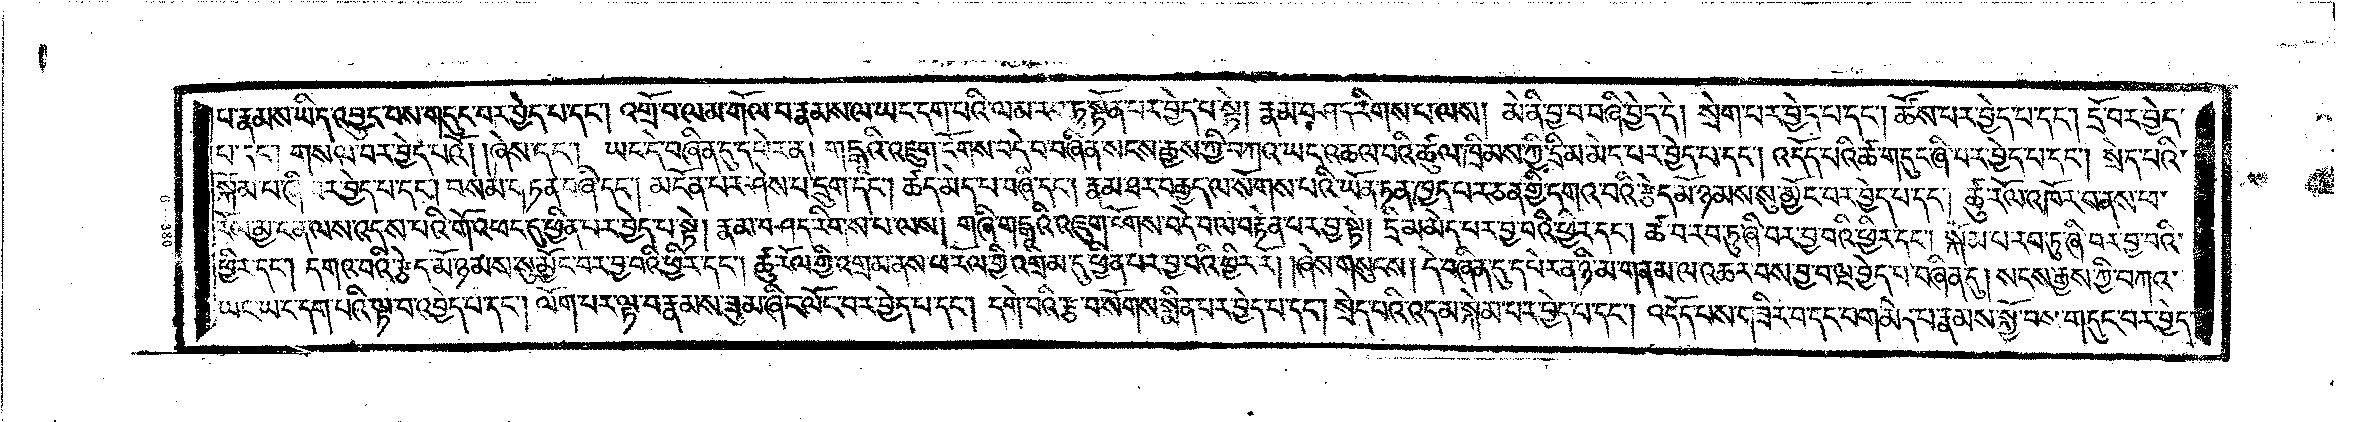པ་རྣམས་ཡིད་འབྱུང་བས་གདུང་བར་བྱེད་པ་དང་། འགྲོ་བ་ལམ་གོལ་བ་རྣམས་ལ་ཡང་དག་པའི་ལམ་རབ་ཏུ་སྟོན་པར་བྱེད་པ་སྟེ། རྣམ་བཤད་རིགས་པ་ལས། མེ་ནི་བྱ་བ་བཞི་བྱེད་དེ། སྲེག་པར་བྱེད་པ་དང་། ཚོས་པར་བྱེད་པ་དང་། དྲོ་བར་བྱེད་
པ་དང་། གསལ་བར་བྱེད་པའོ། །ཞེས་དང་། ཡང་དེ་བཞིན་དུ་དཔེར་ན། གངྒའི་འཇུག་ངོགས་བདེ་བ་བཞིན་སངས་རྒྱས་ཀྱི་བཀའ་ཡང་འཆལ་བའི་ཚུལ་ཁྲིམས་ཀྱི་དྲི་མ་མེད་པར་བྱེད་པ་དང་། འདོད་པའི་ཚ་གདུང་ཞི་བར་བྱེད་པ་དང་། སྲེད་པའི་
སྐོམ་པ་ཞི་བར་བྱེད་པ་དང་། བསམ་གཏན་བཞི་དང་། མངོན་པར་ཤེས་པ་དྲུག་དང་། ཚད་མེད་པ་བཞི་དང་། རྣམ་ཐར་བརྒྱད་ལ་སོགས་པའི་ཡོན་ཏན་ཁྱད་པར་ཅན་གྱི་དགའ་བའི་རྩེ་མོ་ཉམས་སུ་མྱོང་བར་བྱེད་པ་དང་། ཚུ་རོལ་འཁོར་བ་ནས་ཕ་
རོལ་མྱ་ངན་ལས་འདས་པའི་གོ་འཕང་དུ་ཕྱིན་པར་བྱེད་པ་སྟེ། རྣམ་བཤད་རིགས་པ་ལས། གཞི་གངྒའི་འཇུག་ངོགས་བདེ་བ་ལ་བརྟེན་པར་བྱ་སྟེ། དྲི་མ་མེད་པར་བྱ་བའི་ཕྱིར་དང་། ཚ་བ་རབ་ཏུ་ཞི་བར་བྱ་བའི་ཕྱིར་དང་། སྐོམ་པ་རབ་ཏུ་ཞི་བར་བྱ་བའི་
ཕྱིར་དང་། དགའ་བའི་རྩེད་མོ་ཉམས་སུ་མྱོང་བར་བྱ་བའི་ཕྱིར་དང་། ཚུ་རོལ་གྱི་འགྲམ་ནས་ཕ་རོལ་གྱི་འགྲམ་དུ་ཕྱིན་པར་བྱ་བའི་ཕྱིར་རོ། །ཞེས་གསུངས། དེ་བཞིན་དུ་དཔེར་ན་ཉི་མ་གནམ་ལ་འཆར་བས་བྱ་བ་ལྔ་བྱེད་པ་བཞིན་དུ། སངས་རྒྱས་ཀྱི་བཀའ་
ཡང་ཡང་དག་པའི་ལྟ་བ་འབྱེད་པ་དང་། ལོག་པར་ལྟ་བ་རྣམས་ཟུམ་ཞིང་ལོང་བར་བྱེད་པ་དང་། དགེ་བའི་རྩ་བ་སོགས་སྨིན་པར་བྱེད་པ་དང་། སྲེད་པའི་འདམ་སྐེམ་པར་བྱེད་པ་དང་། འདོད་པས་གཟིར་བ་དང་བག་མེད་པ་རྣམས་སྐྱོ་བས་གདུང་བར་བྱེ་